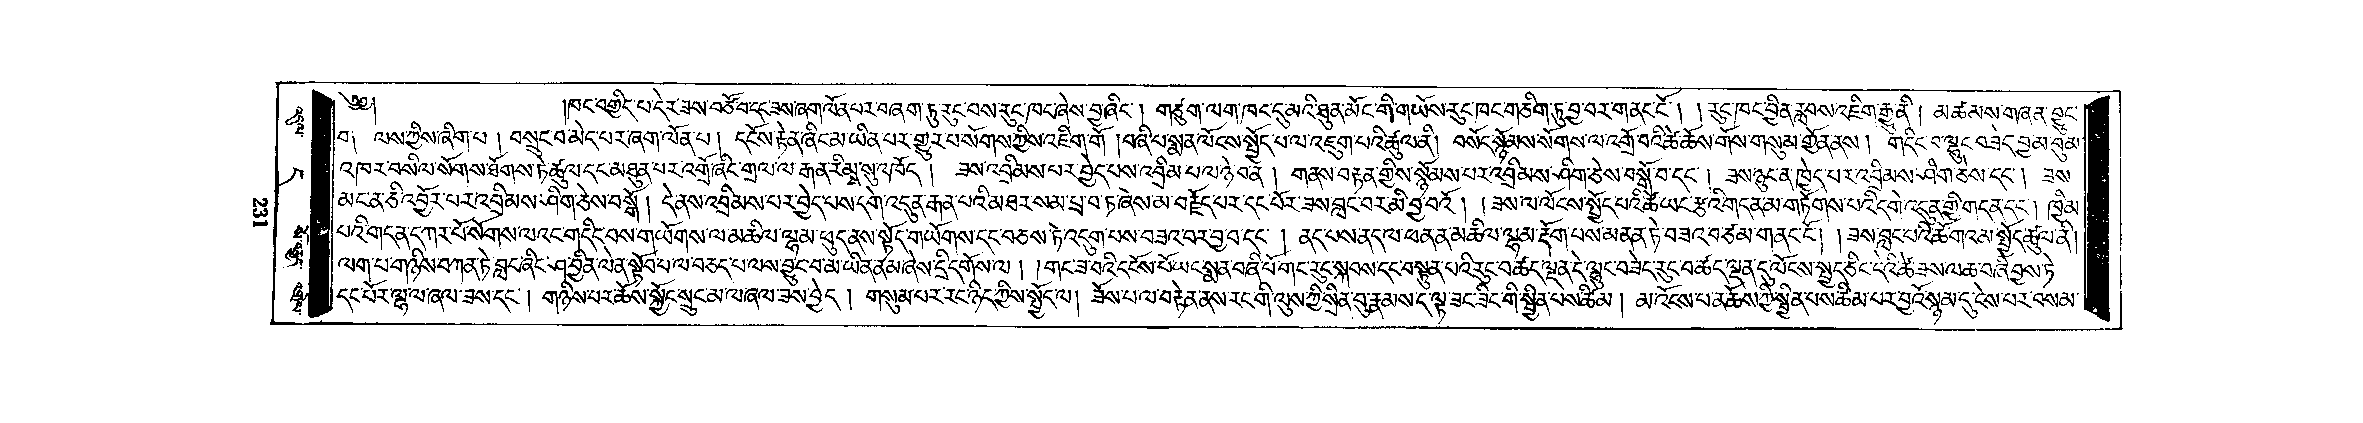༄༅། །ཁང་བགྱིད་པ་དེར་ཟས་བཙོ་བ་དང་ཟས་ཞག་ལོན་པར་བཞག་ཏུ་རུང་བས་རུང་ཁང་ཞེས་བྱ་ཞིང་། གཙུག་ལག་ཁང་དུ་མའི་ཐུན་མོང་གི་གཡོས་རུང་ཁང་གཅིག་ཏུ་བྱ་བར་གནང་ངོ། །རུང་ཁང་བྱིན་རླབས་འཇིག་རྒྱུ་ནི། མཚམས་གཞན་བྱུང་
བ། ལས་ཀྱིས་ཞིག་པ། བསྲུང་བ་མེད་པར་ཞག་ལོན་པ། དངོས་རྟེན་ཞིང་མ་ཡིན་པར་གྱུར་པ་སོགས་ཀྱིས་འཇིག་གོ །བཞི་པ་སྨན་ལོངས་སྤྱོད་པ་ལ་འཇུག་པའི་ཚུལ་ནི། བསོད་སྙོམས་སོགས་ལ་འགྲོ་བའི་ཚེ་ཆོས་གོས་གསུམ་གྱོན་ནས། གདིང་བ་ལྷུང་བཟེད་བྱ་མ་བུམ་
འཁར་བསིལ་སོགས་ཐོགས་ཏེ་ཚུལ་དང་མཐུན་པར་འགྲོ་ཞིང་གྲལ་ལ་རྒན་རིམས་སུ་འཁོད། ཟས་འབྲིམས་པར་བྱེད་པས་འབྲིམ་པ་ལ་ཉེ་བ་ན། གནས་བརྟན་གྱིས་སྙོམས་པར་འབྲིམས་ཤིག་ཅེས་བསྒོ་བ་དང་། ཟས་ཉུང་ན་ཁྱེད་པར་འབྲིམས་ཤིག་ཅེས་དང་། ཟས་
མང་ན་ཅི་འབྱོར་པར་འབྲིམས་ཤིག་ཅེས་བསྒོ །དེ་ནས་འབྲིམས་པར་བྱེད་པས་དགེ་འདུན་རྒན་པའི་མཐར་སམ་པྲ་བ་ཏ་ཞེས་མ་བརྗོད་པར་དང་པོར་ཟས་བླང་བར་མི་བྱ་བའོ། །ཟས་ལ་ལོངས་སྤྱོད་པའི་ཚེ་ཡང་རྩའི་གདན་མ་གཏོགས་པའི་དགེ་འདུན་གྱི་གདན་དང་། ཁྱིམ་
པའི་གདན་དཀར་པོ་སོགས་ལའང་གདིང་བས་གཡོགས་ལ་མཆིལ་ལྷམ་ཕུད་ནས་སྟོད་གཡོགས་དང་བཅས་ཏེ་འདུག་པས་བཟའ་བར་བྱ་བ་དང་། ནད་པས་ནད་ལ་ཕན་ན་མཆིལ་ལྷམ་རྡོག་པས་མནན་ཏེ་བཟའ་བ་ཙམ་གནང་ངོ། །ཟས་བླང་པའི་ཆོ་གའམ་སྤྱོད་ཚུལ་ནི།
ལག་པ་གཉིས་བཀན་ཏེ་བླང་ཞིང་ཤ་བྱིན་ལེན་སྟོབ་པ་ལ་བཅད་པ་ལས་བྱུང་བ་མ་ཡིན་ནམ་ཞེས་དྲི་དགོས་ལ། །གང་ཟ་བའི་དངོས་པོ་ཡང་སྨན་བཞི་པོ་གང་རུང་སྐབས་དང་བསྟུན་པའི་རུང་བ་ཚད་ལྡན་དེ་ལྷུང་བཟེད་རུང་བ་ཚད་ལྡན་དུ་ལོངས་སྤྱད་ཅིང་དེའི་ཚེ་ཟས་ལ་ཆ་བཞི་བྱས་ཏེ་
དང་པོར་ལྷ་ལ་ཞལ་ཟས་དང་། གཉིས་པར་ཆོས་སྐྱོང་སྲུང་མ་ལ་ཞལ་ཟས་བྱེད། གསུམ་པར་རང་ཉིད་ཀྱིས་སྤྱོད་ལ། ཟོས་པ་ལ་བརྟེན་ནས་རང་གི་ལུས་ཀྱི་སྲིན་བུ་རྣམས་ད་ལྟ་ཟང་ཟིང་གི་སྦྱིན་པས་ཚིམ། མ་འོངས་པ་ན་ཆོས་ཀྱི་སྦྱིན་པས་ཚིམ་པར་བྱའོ་སྙམ་དུ་ངེས་པར་བསམ་